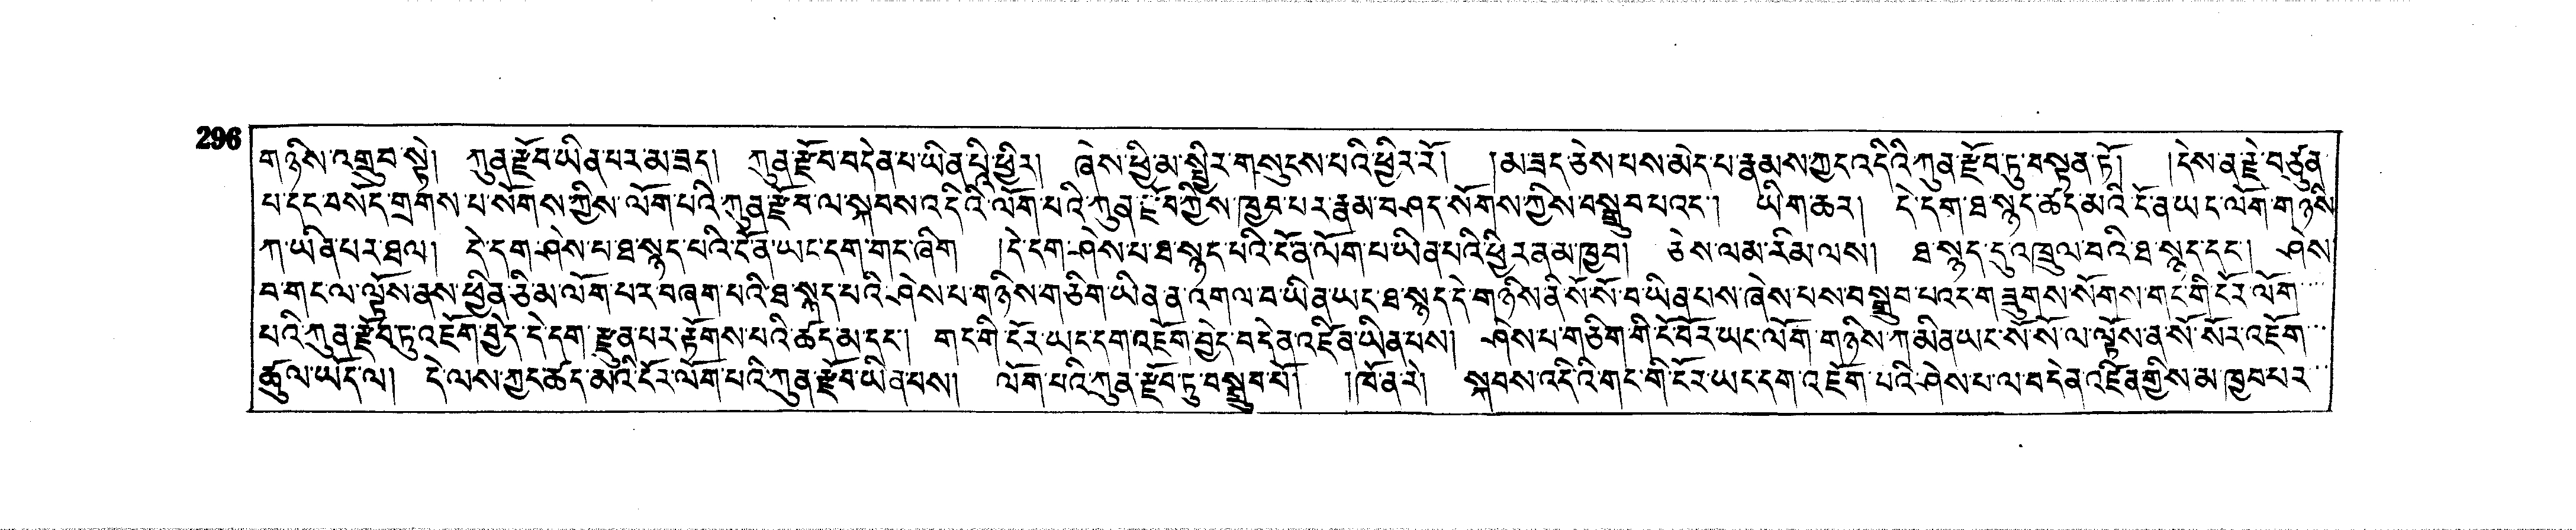གཉིས་འགྲུབ་སྟེ། ཀུན་རྫོབ་ཡིན་པར་མ་ཟད། ཀུན་རྫོབ་བདེན་པ་ཡིན་པའི་ཕྱིར། ཞེས་ཕྱི་མ་སྤྱིར་གསུངས་པའི་ཕྱིར་རོ། །མ་ཟད་ཅེས་པས་མེད་པ་རྣམས་ཀྱང་འདིའི་ཀུན་རྫོབ་ཏུ་བསྟན་ཏོ། །དེས་ན་རྗེ་བཙུན་
པ་དང་བསོད་གྲགས་པ་སོགས་ཀྱིས་ལོག་པའི་ཀུན་རྫོབ་ལ་སྐབས་འདིའི་ལོག་པའི་ཀུན་རྫོབ་ཀྱིས་ཁྱབ་པར་རྣམ་བཤད་སོགས་ཀྱིས་བསྒྲུབ་པའང་། ཡིག་ཆར། དེ་དག་ཐ་སྙད་ཚད་མའི་ངོ་ན་ཡང་ལོག་གཉིས་
ཀ་ཡིན་པར་ཐལ། དེ་དག་ཤེས་པ་ཐ་སྙད་པའི་ངོ་ན་ཡང་དག་གང་ཞིག །དེ་དག་ཤེས་པ་ཐ་སྙད་པའི་ངོ་ན་ལོག་པ་ཡིན་པའི་ཕྱིར་ན་མ་ཁྱབ། ཅེས་ལམ་རིམ་ལས། ཐ་སྙད་དུ་འཁྲུལ་བའི་ཐ་སྙད་དང་། ཤེས་
བ་གང་ལ་ལྟོས་ནས་ཕྱིན་ཅི་མ་ལོག་པར་བཞག་པའི་ཐ་སྙད་པའི་ཤེས་པ་གཉིས་གཅིག་ཡིན་ན་འགལ་བ་ཡིན་ཡང་ཐ་སྙད་དེ་གཉིས་ནི་སོ་སོ་བ་ཡིན་པས་ཞེས་པས་བསྒྲུབ་པའང་གཟུགས་སོགས་གང་གི་ངོར་ལོག་
པའི་ཀུན་རྫོབ་ཏུ་འཇོག་བྱེད་དེ་དག་རྫུན་པར་རྟོགས་པའི་ཚད་མ་དང་། གང་གི་ངོར་ཡང་དག་འཇོག་བྱེད་བདེན་འཛིན་ཡིན་པས། ཤེས་པ་གཅིག་གི་ངོ་བོར་ཡང་ལོག་གཉིས་ཀ་མིན་ཡང་སོ་སོ་ལ་ལྟོས་ན་སོ་སོར་འཇོག་
ཚུལ་ཡོད་ལ། དེ་ལས་ཀྱང་ཚད་མའི་ངོར་ལོག་པའི་ཀུན་རྫོབ་ཡིན་པས། ལོག་པའི་ཀུན་རྫོབ་ཏུ་བསྒྲུབ་པོ། །ཁོ་ན་རེ། སྐབས་འདིའི་གང་གི་ངོར་ཡང་དག་འཇོག་པའི་ཤེས་པ་ལ་བདེན་འཛིན་གྱིས་མ་ཁྱབ་པར་